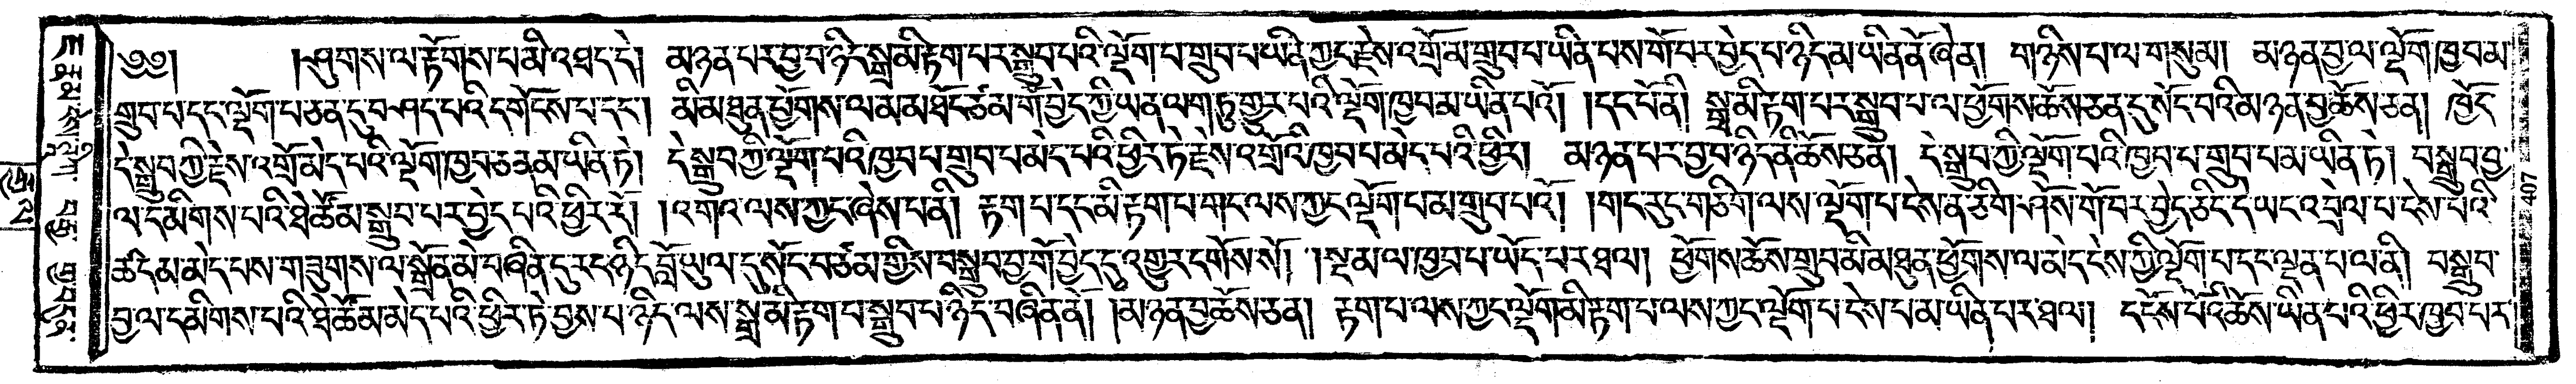༄༅། །ཤུགས་ལ་རྟོགས་པ་མི་འཐད་དེ། མཉན་པར་བྱ་བ་ཉིད་སྒྲ་མི་རྟག་པར་སྒྲུབ་པའི་ལྡོག་པ་གྲུབ་པ་ཡིན་ཀྱང་རྗེས་འགྲོ་མ་གྲུབ་པ་ཡིན་པས་གོ་བར་བྱེད་པ་ཉིད་མ་ཡིན་ནོ་ཞེ་ན། གཉིས་པ་ལ་གསུམ། མཉན་བྱ་ལ་ལྡོག་ཁྱབ་མ་
གྲུབ་པ་དང་ལྡོག་པ་ཅན་དུ་བཤད་པའི་དགོངས་པ་དང་། མི་མཐུན་ཕྱོགས་ལ་མ་མཐོང་ཙམ་གོ་བྱེད་ཀྱི་ཡན་ལག་ཏུ་གྱུར་པའི་ལྡོག་ཁྱབ་མ་ཡིན་པའོ། །དང་པོ་ནི། སྒྲ་མི་རྟག་པར་སྒྲུབ་པ་ལ་ཕྱོགས་ཆོས་ཅན་དུ་སོང་བའི་མཉན་བྱ་ཆོས་ཅན། ཁྱོད་
དེ་སྒྲུབ་ཀྱི་རྗེས་འགྲོ་མེད་པའི་ལྡོག་ཁྱབ་ཅན་མ་ཡིན་ཏེ། དེ་སྒྲུབ་ཀྱི་ལྡོག་པའི་ཁྱབ་པ་གྲུབ་པ་མེད་པའི་ཕྱིར་ཏེ་རྗེས་འགྲོའི་ཁྱབ་པ་མེད་པའི་ཕྱིར། མཉན་པར་བྱ་བ་ཉིད་ནི་ཆོས་ཅན། དེ་སྒྲུབ་ཀྱི་ལྡོག་པའི་ཁྱབ་པ་གྲུབ་པ་མ་ཡིན་ཏེ། བསྒྲུབ་བྱ་
ལ་དམིགས་པའི་ཐེ་ཚོམ་སྒྲུབ་པར་བྱེད་པའི་ཕྱིར་རོ། །འགའ་ལས་ཀྱང་ཞེས་པ་ནི། རྟག་པ་དང་མི་རྟག་པ་གང་ལས་ཀྱང་ལྡོག་པ་མ་གྲུབ་པའོ། །གང་རུང་གཅིག་ལས་ལྡོག་པ་ངེས་ན་ཅིག་ཤོས་གོ་བར་བྱེད་ཅིང་དེ་ཡང་འབྲེལ་པ་ངེས་པའི་
ཚད་མ་མེད་པས་གཟུགས་ལ་སྒྲོན་མེ་བཞིན་དུ་རང་ཉིད་བློ་ཡུལ་དུ་སོང་བ་ཙམ་གྱིས་བསྒྲུབ་བྱ་གོ་བྱེད་དུ་འགྱུར་དགོས་སོ། །སྔ་མ་ལ་ཁྱབ་པ་ཡོད་པར་ཐལ། ཕྱོགས་ཆོས་གྲུབ་མི་མཐུན་ཕྱོགས་ལ་མེད་ངེས་ཀྱི་ལྡོག་པ་དང་ལྡན་པ་ལ་ནི། བསྒྲུབ་
བྱ་ལ་དམིགས་པའི་ཐེ་ཚོམ་མེད་པའི་ཕྱིར་ཏེ་བྱས་པ་ཉིད་ལས་སྒྲ་མི་རྟག་པ་སྒྲུབ་པ་ཉིད་བཞིན་ནོ། །མཉན་བྱ་ཆོས་ཅན། རྟག་པ་ལས་ཀྱང་ལྡོག་མི་རྟག་པ་ལས་ཀྱང་ལྡོག་པ་ངེས་པ་མ་ཡིན་པར་ཐལ། དངོས་པོའི་ཆོས་ཡིན་པའི་ཕྱིར་ཁྱབ་པར་